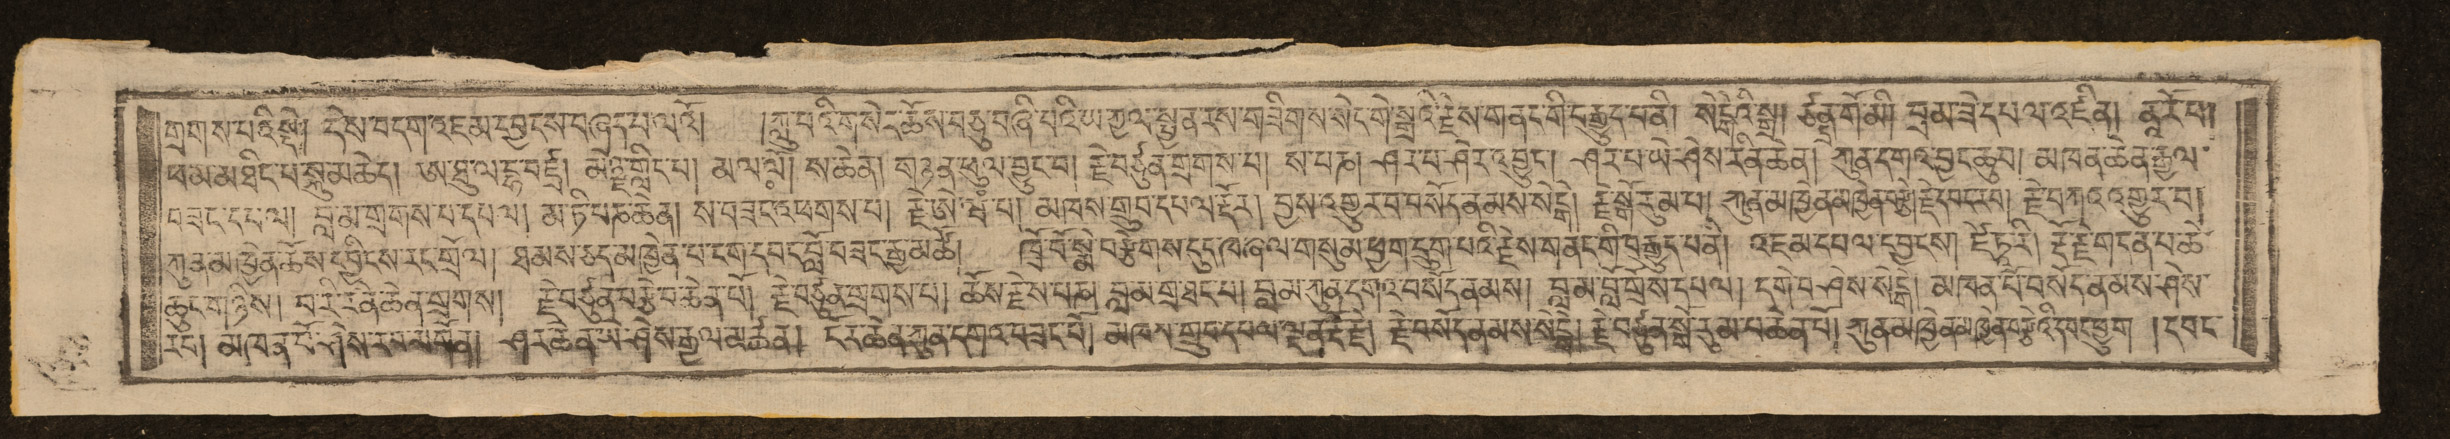གྲགས་པའི་སྡེ། དེས་བདག་འཇམ་དབྱངས་བཞད་པ་ལའོ། །ཀླུ་པའི་གསེར་ཆོས་བཅུ་བཞི་པའི་ཡ་ཀྱལ་སྦྱན་རས་གཟིགས་སེང་གེ་སྒྲའི་རྗེས་གནང་གི་བརྒྱུད་པ་ནི། སེངྒེའི་སྒྲ། ཙནྡྲ་གོ་མི། བྲམ་ཟེ་དཔལ་འཛིན། ནཱ་རོ་པ།
ཕམ་མཐིང་པ་སྐུ་མཆེད། ཨ་ཐུ་ལ་དྷ་བཛྲ། མེཉྫ་གླིང་པ། མལ་ལོ། ས་ཆེན། གཉན་ཕུལ་བྱུང་བ། རྗེ་བཙུན་གྲགས་པ། ས་པཎ། ཤར་པ་ཤེར་འབྱུང་། ཤར་པ་ཡེ་ཤེས་རིན་ཆེན། ཀུན་དགའ་བྱང་ཆུབ། མཁན་ཆེན་རྒྱལ་
བཟང་དཔལ། བླ་མ་གྲགས་པ་དཔལ། མ་ཏི་པཎ་ཆེན། ས་བཟང་འཕགས་པ། རྗེ་ཨེ་ཝཾ་པ། མཁས་གྲུབ་དཔལ་རྡོར། བྱས་འགྱུར་བ་བསོད་ནམས་སེངྒེ། རྗེ་སྒོ་རུམ་པ། ཀུན་མཁྱེན་མཁྱེན་བརྩེ། རྗེ་དབང་རབ། རྗེ་བཀའ་འགྱུར་བ།
ཀུན་མཁྱེན་ཆོས་དབྱིངས་རང་གྲོལ། ཐམས་ཅད་མཁྱེན་པ་ངག་དབང་བློ་བཟང་རྒྱ་མཚོ། ཁྲོ་བོ་སྨེ་བརྩེགས་དུད་ཁ་ཞལ་གསུམ་ཕྱག་དྲུག་པའི་རྗེས་གནང་གི་བརྒྱུད་པ་ནི། འཇམ་དཔལ་དབྱངས། ཛེ་ཏཱ་རི། རྡོ་རྗེ་གདན་པ་ཆེ་
ཆུང་གཉིས། བ་རི་རིན་ཆེན་གྲགས། རྗེ་བཙུན་པ་རྩེ་བ་ཆེན་པོ། རྗེ་བཙུན་གྲགས་པ། ཆོས་རྗེས་པཎ། བླ་མ་སྲ་ཐང་པ། བླ་མ་ཀུན་དགའ་བསོད་ནམས། བླ་མ་བློ་གྲོས་དཔལ། དགེ་བཤེས་སེངྒེ། མཁན་པོ་སོད་ནམས་ཤེས་
རབ། མཁན་པོ་ཤེས་རབ་མགོན། ཤར་ཆེན་ཡེ་ཤེས་རྒྱལ་མཚན། ངོར་ཆེན་ཀུན་དགའ་བཟང་པོ། མཁས་གྲུབ་དཔལ་ལྡན་རྡོ་རྗེ། རྗེ་བསོད་ནམས་སེངྒེ། རྗེ་བཙུན་སྒོ་རུམ་པ་ཆེན་པོ། ཀུན་མཁྱེན་མཁྱེན་བརྩེའི་དབང་ཕྱུག །དབང་